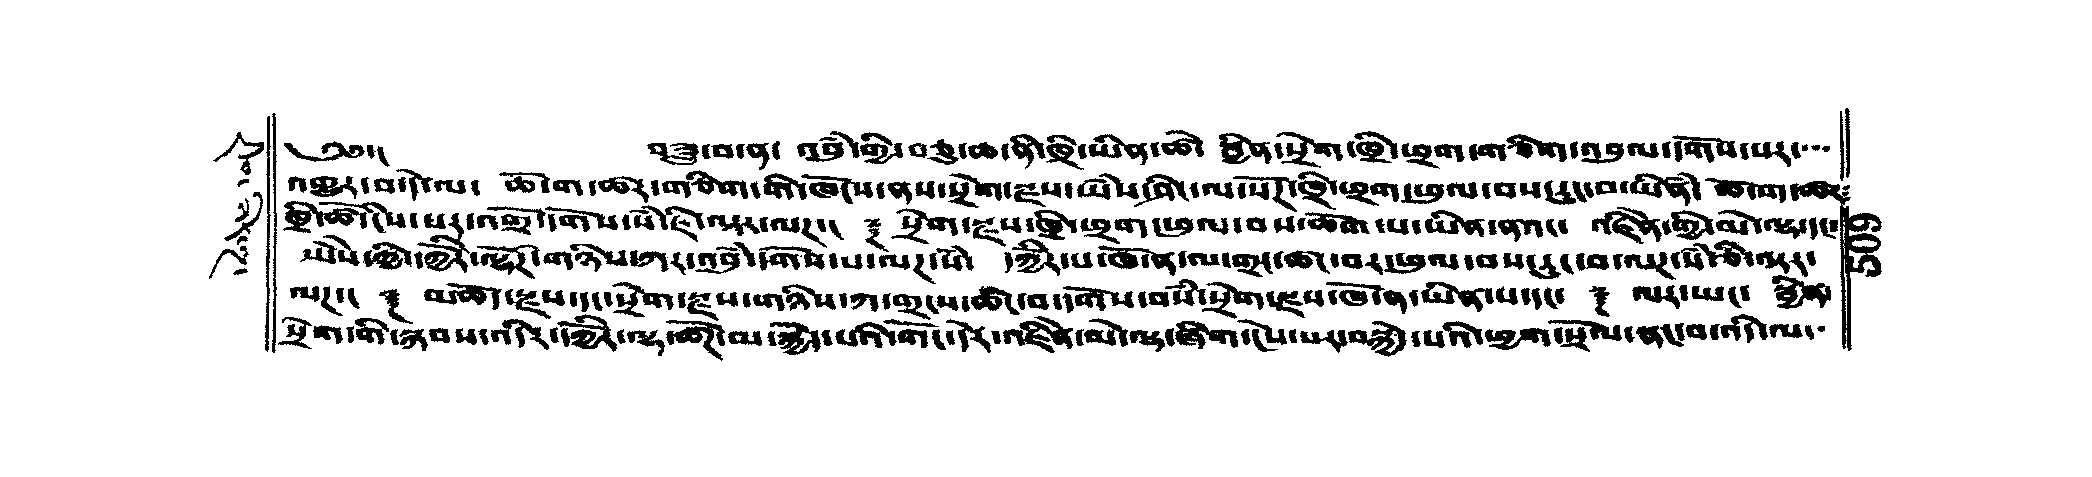བཟླ་བ་ན། འབུམ་གྱི་བཅུ་ཆ་ནི་ཁྲི་ཡིན་ཚེ། སྦྱིན་སྲེག་ཁྲི་ཕྲག་གཅིག་འབུལ་དགོས་པར་
འགྱུར་བ་དེ་ལ། ཆོ་ག་ཚར་གཅིག་གི་ཁོངས་ནས་སྲེག་རྫས་ཡམས་ཤིང་ལ་སོགས་ཁྲི་ཕྲག་ཕུལ་བས་རུང་བ་ཡིན་ནམ། ཆོ་ག་ཚར་
ཁྲི་ཚོ་ངེས་པར་འགྲོ་དགོས་སམ་ཇི་ལྟར་ལགས། ༈ སྲེག་རྫས་ཁྲི་ཕྲག་ཕུལ་བས་ཆོག་པ་ཡིན་ནའང་། འཇིག་རྟེན་གྱི་མེ་ལྷ་དང་
ཡེ་ཤེས་ཀྱི་དཀྱིལ་འཁོར་ལྷ་ཚོགས་གཉིས་ཀར་འབུམ་དགོས་པ་ལགས་སམ། དཀྱིལ་འཁོར་པ་ཁོ་ན་ལ་གྲངས་ཚང་བར་ཕུལ་བས་རུང་བ་ལགས་སམ་ཅི་ལྟར་
ལགས། ༈ མཆོད་རྫས་དང་སྲེག་རྫས་གཉིས་ཀ་གྲངས་ཚང་བ་དགོས་སམ་སྲེག་རྫས་ཁོ་ན་ཡིན་པ་དང་། ༈ ལར་ཡང་། སྦྱིན་
སྲེག་གི་སྐབས་འདིར་དཀྱིལ་འཁོར་ལྷ་ཚོགས་མ་སྐྱེད་པའི་གོང་དེར་འཇིག་རྟེན་མེ་ལྷ་ཞིག་ངེས་པར་བསྐྱེད་པའི་ཕྱག་སྲོལ་སྣང་བ་འདི་ལ་